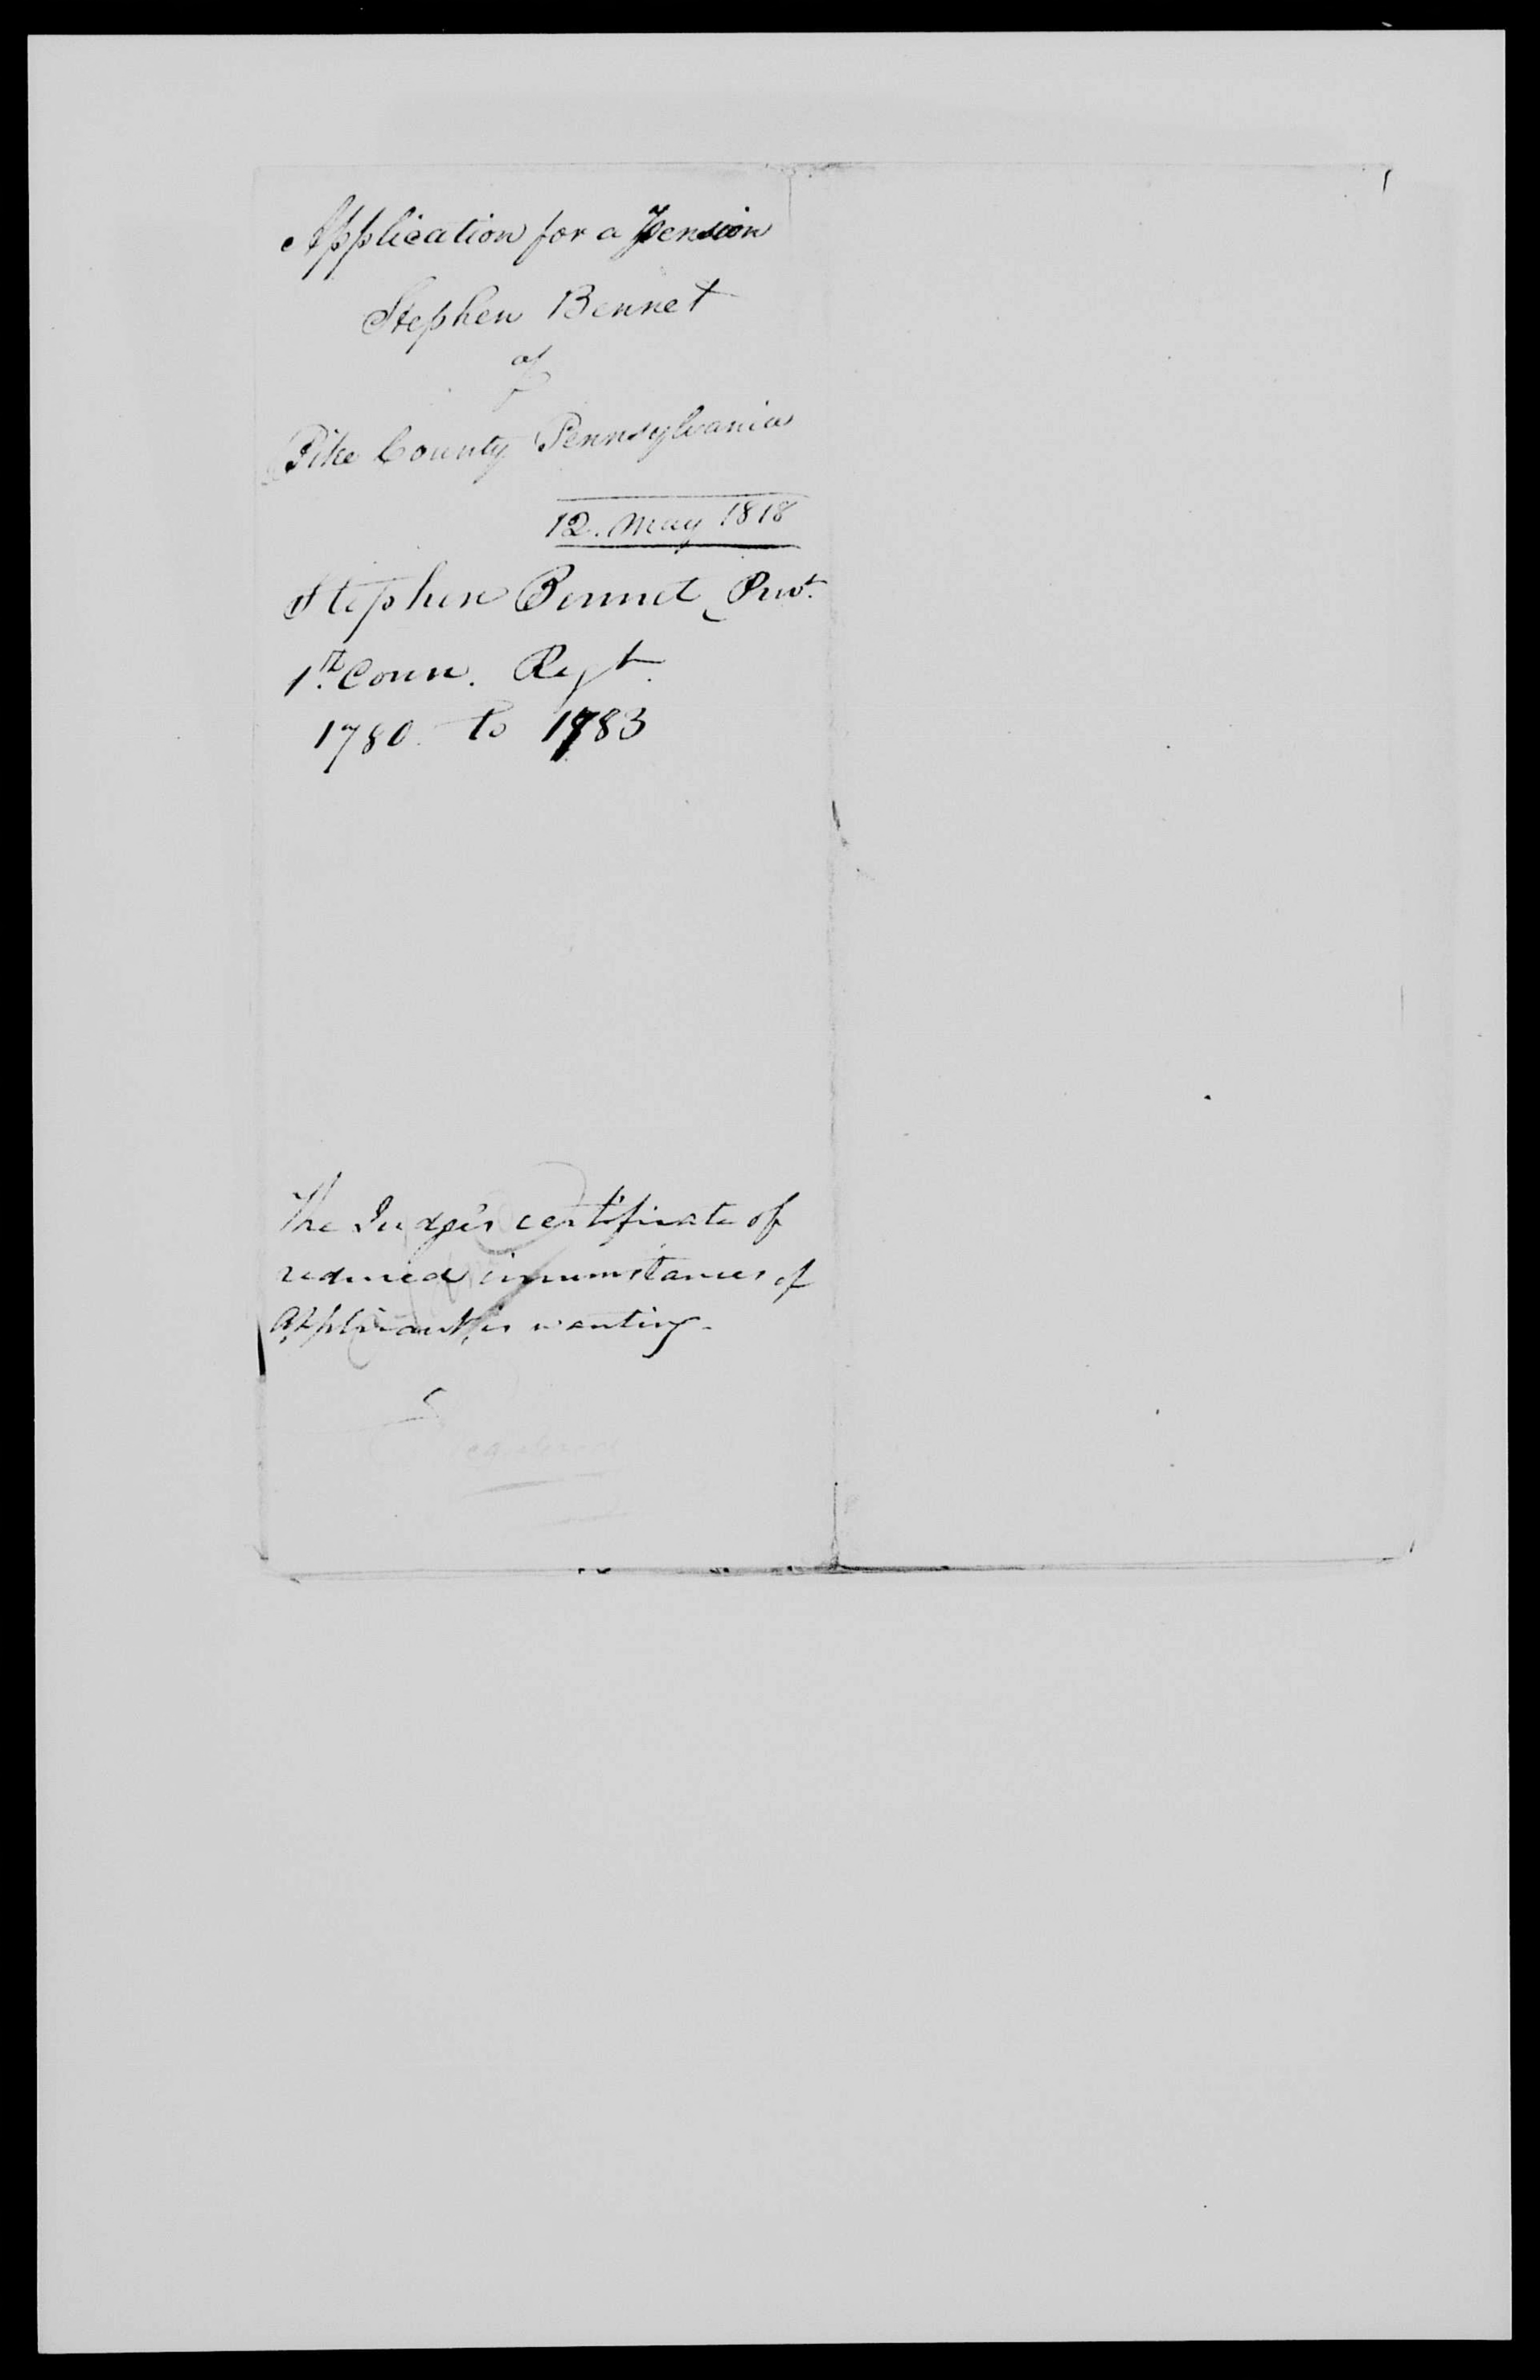Application for a pension
Stephen Bennet
of
Pike County Pennsylvania
12 May 1818

Stephen Bennet Pvt
1st Conn. Regt
1780-1783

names: Stephen Bennet, Stephen Bennet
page: 4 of 79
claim: widow's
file: W. 2,906, Stephen Bennet, Conn.